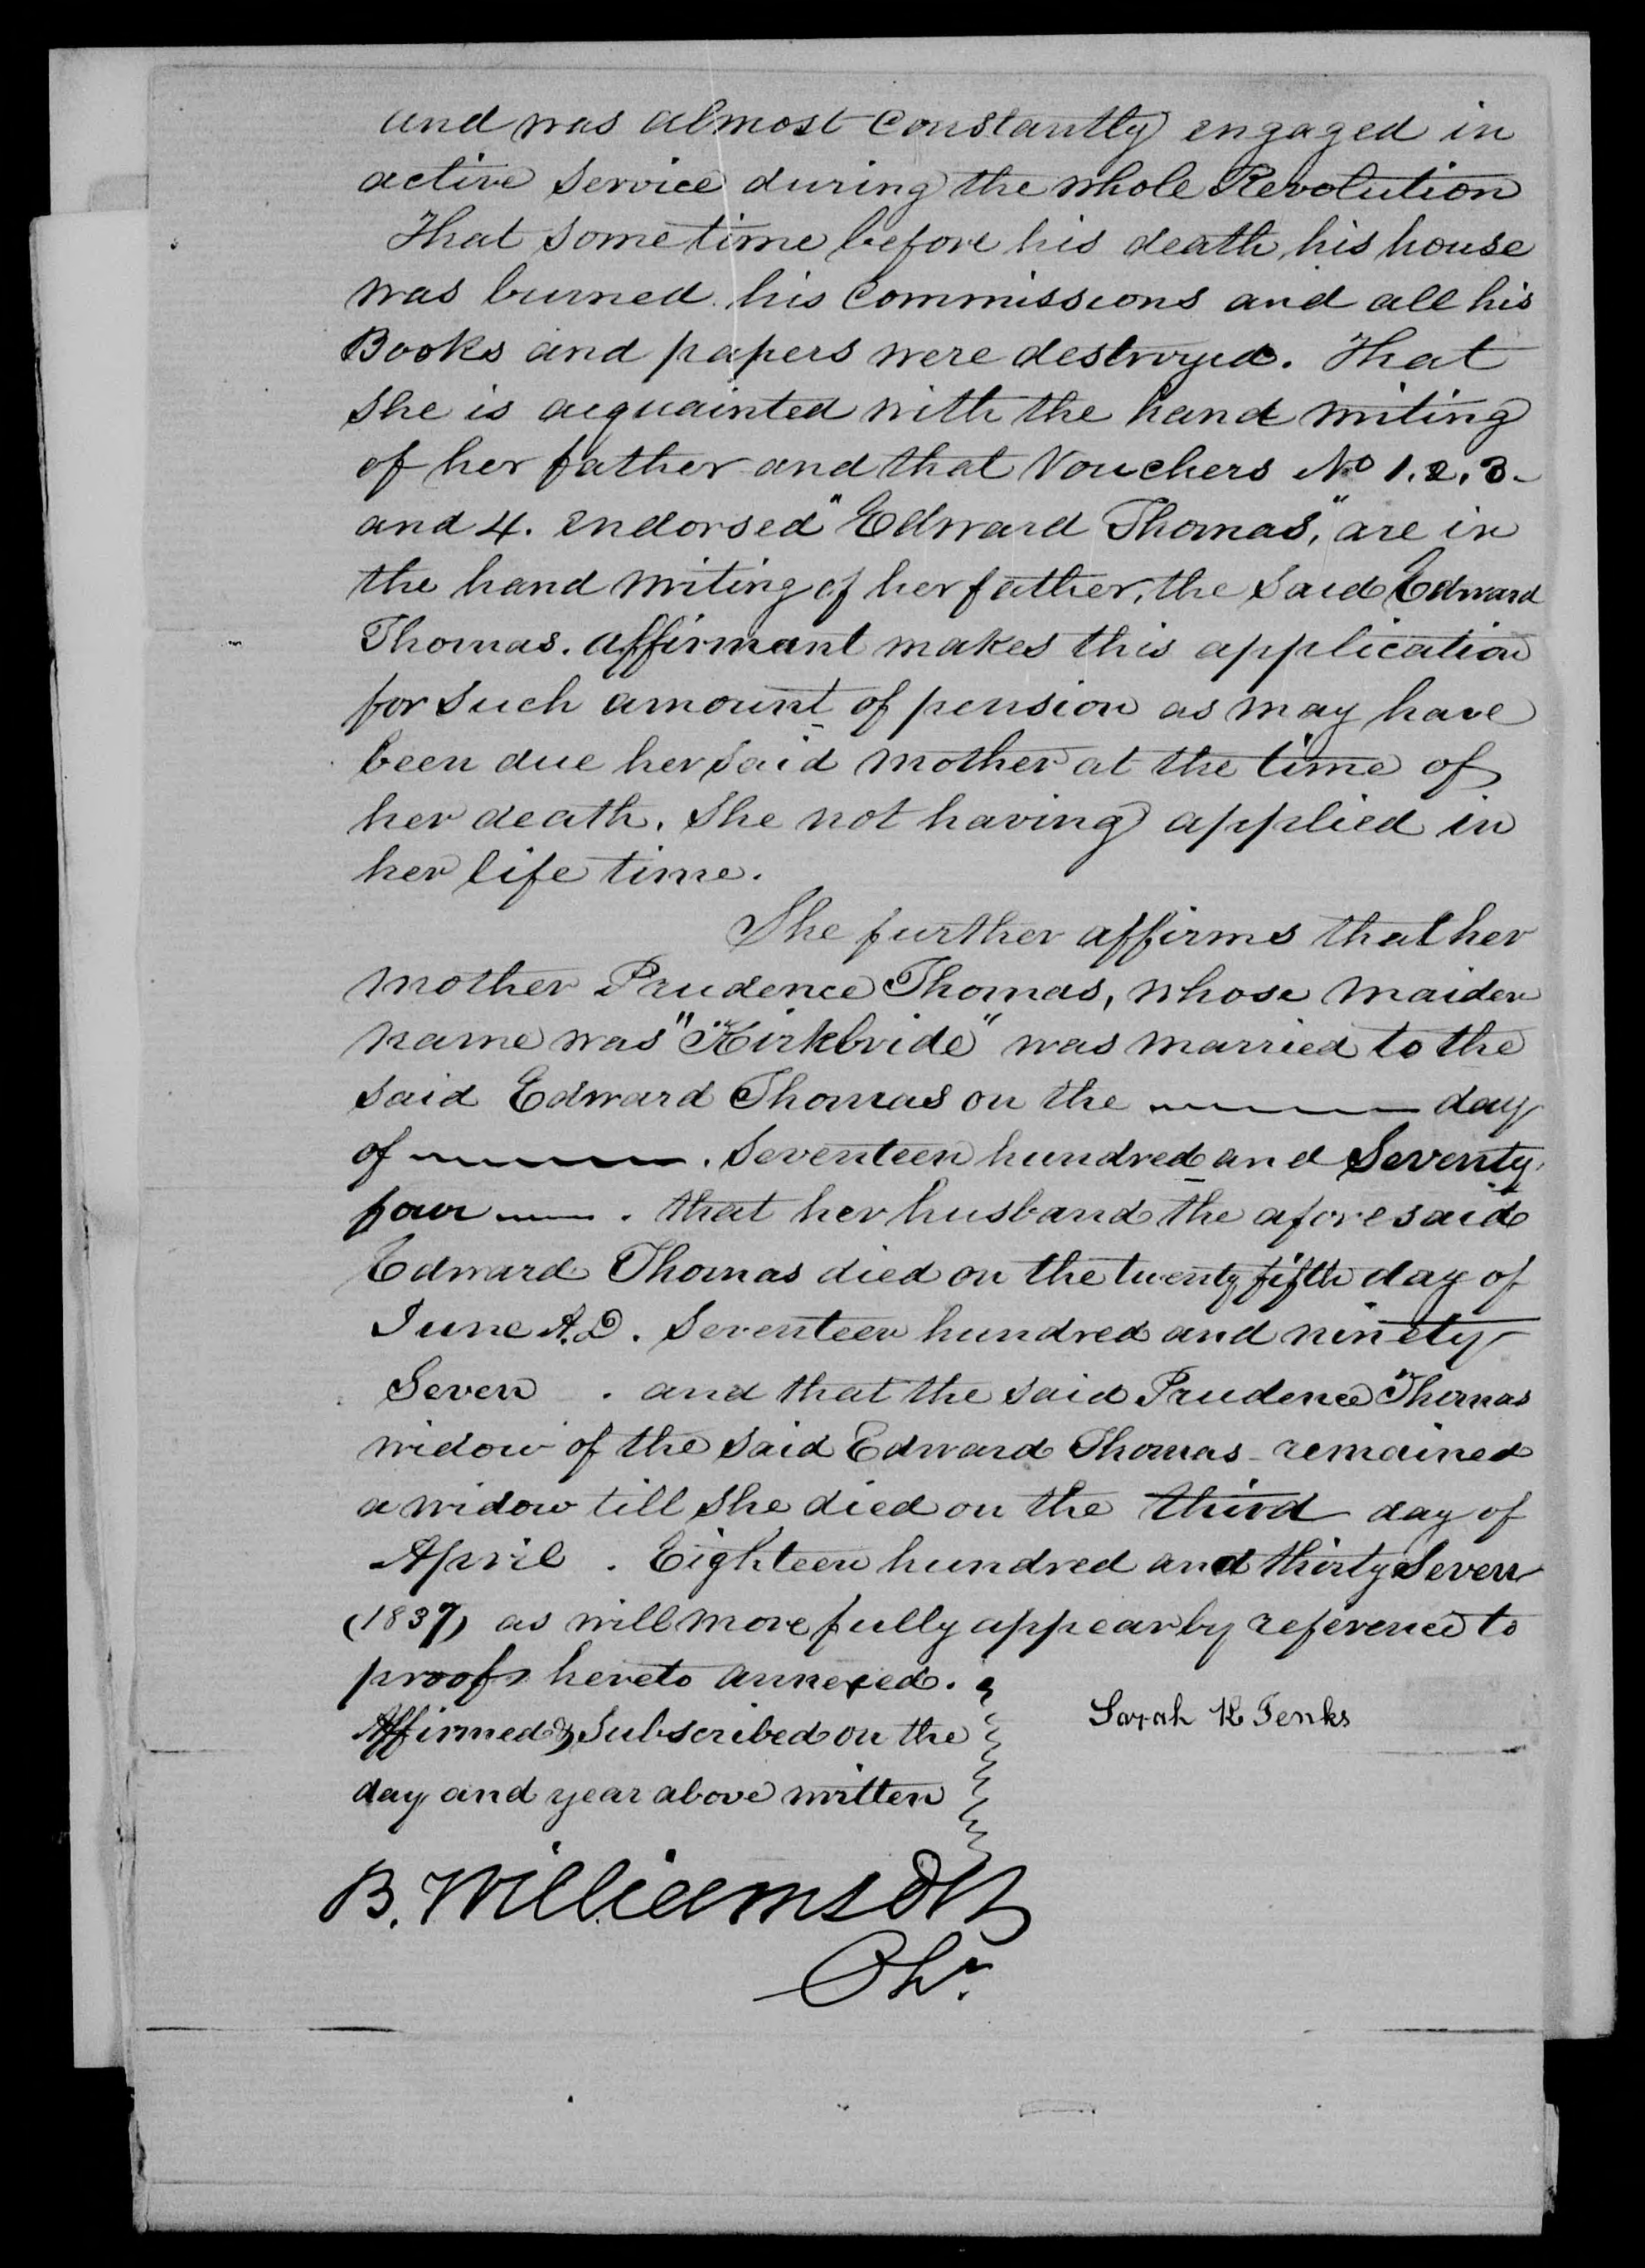and was almost constantly engaged in active service during the whole Revolution. That sometime before his death, his house was burned his commissions and all his Books and papers were destroyed. That she is acquainted with the hand writing of her father and that vouchers No. 1.2.3. and 4. endorsed ‘Edward Thomas” are in the hand writing of her father the said Edward Thomas. Affirmant makes this application for such amount of pension as may have been due her said mother at the time of her death. she not having applied in her lifetime. 
She further affirms that her mother Prudence Thomas, whose maiden name was “Kirkbride” was married to the said Edward Thomas on the ———day of ———, Seventeen hundred and Seventy four——. that her husband the aforesaid Edward Thomas died on the twenty fifth day of June A.D. Seventeen hundred and ninety-seven. and that the said Prudence Thomas widow of the said Edward Thomas remained a widow till she died on the third day of April Eighteen hundred and thirty seven (1837), as will more fully appear by reference to proofs hereto annexed. Affirmed, subscribed on the day and year above written. 
B. Williamson Ph.

Sarah K Jenks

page: 5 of 25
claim: rejected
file: R. 10513, for Edward Thomas, New Jersey